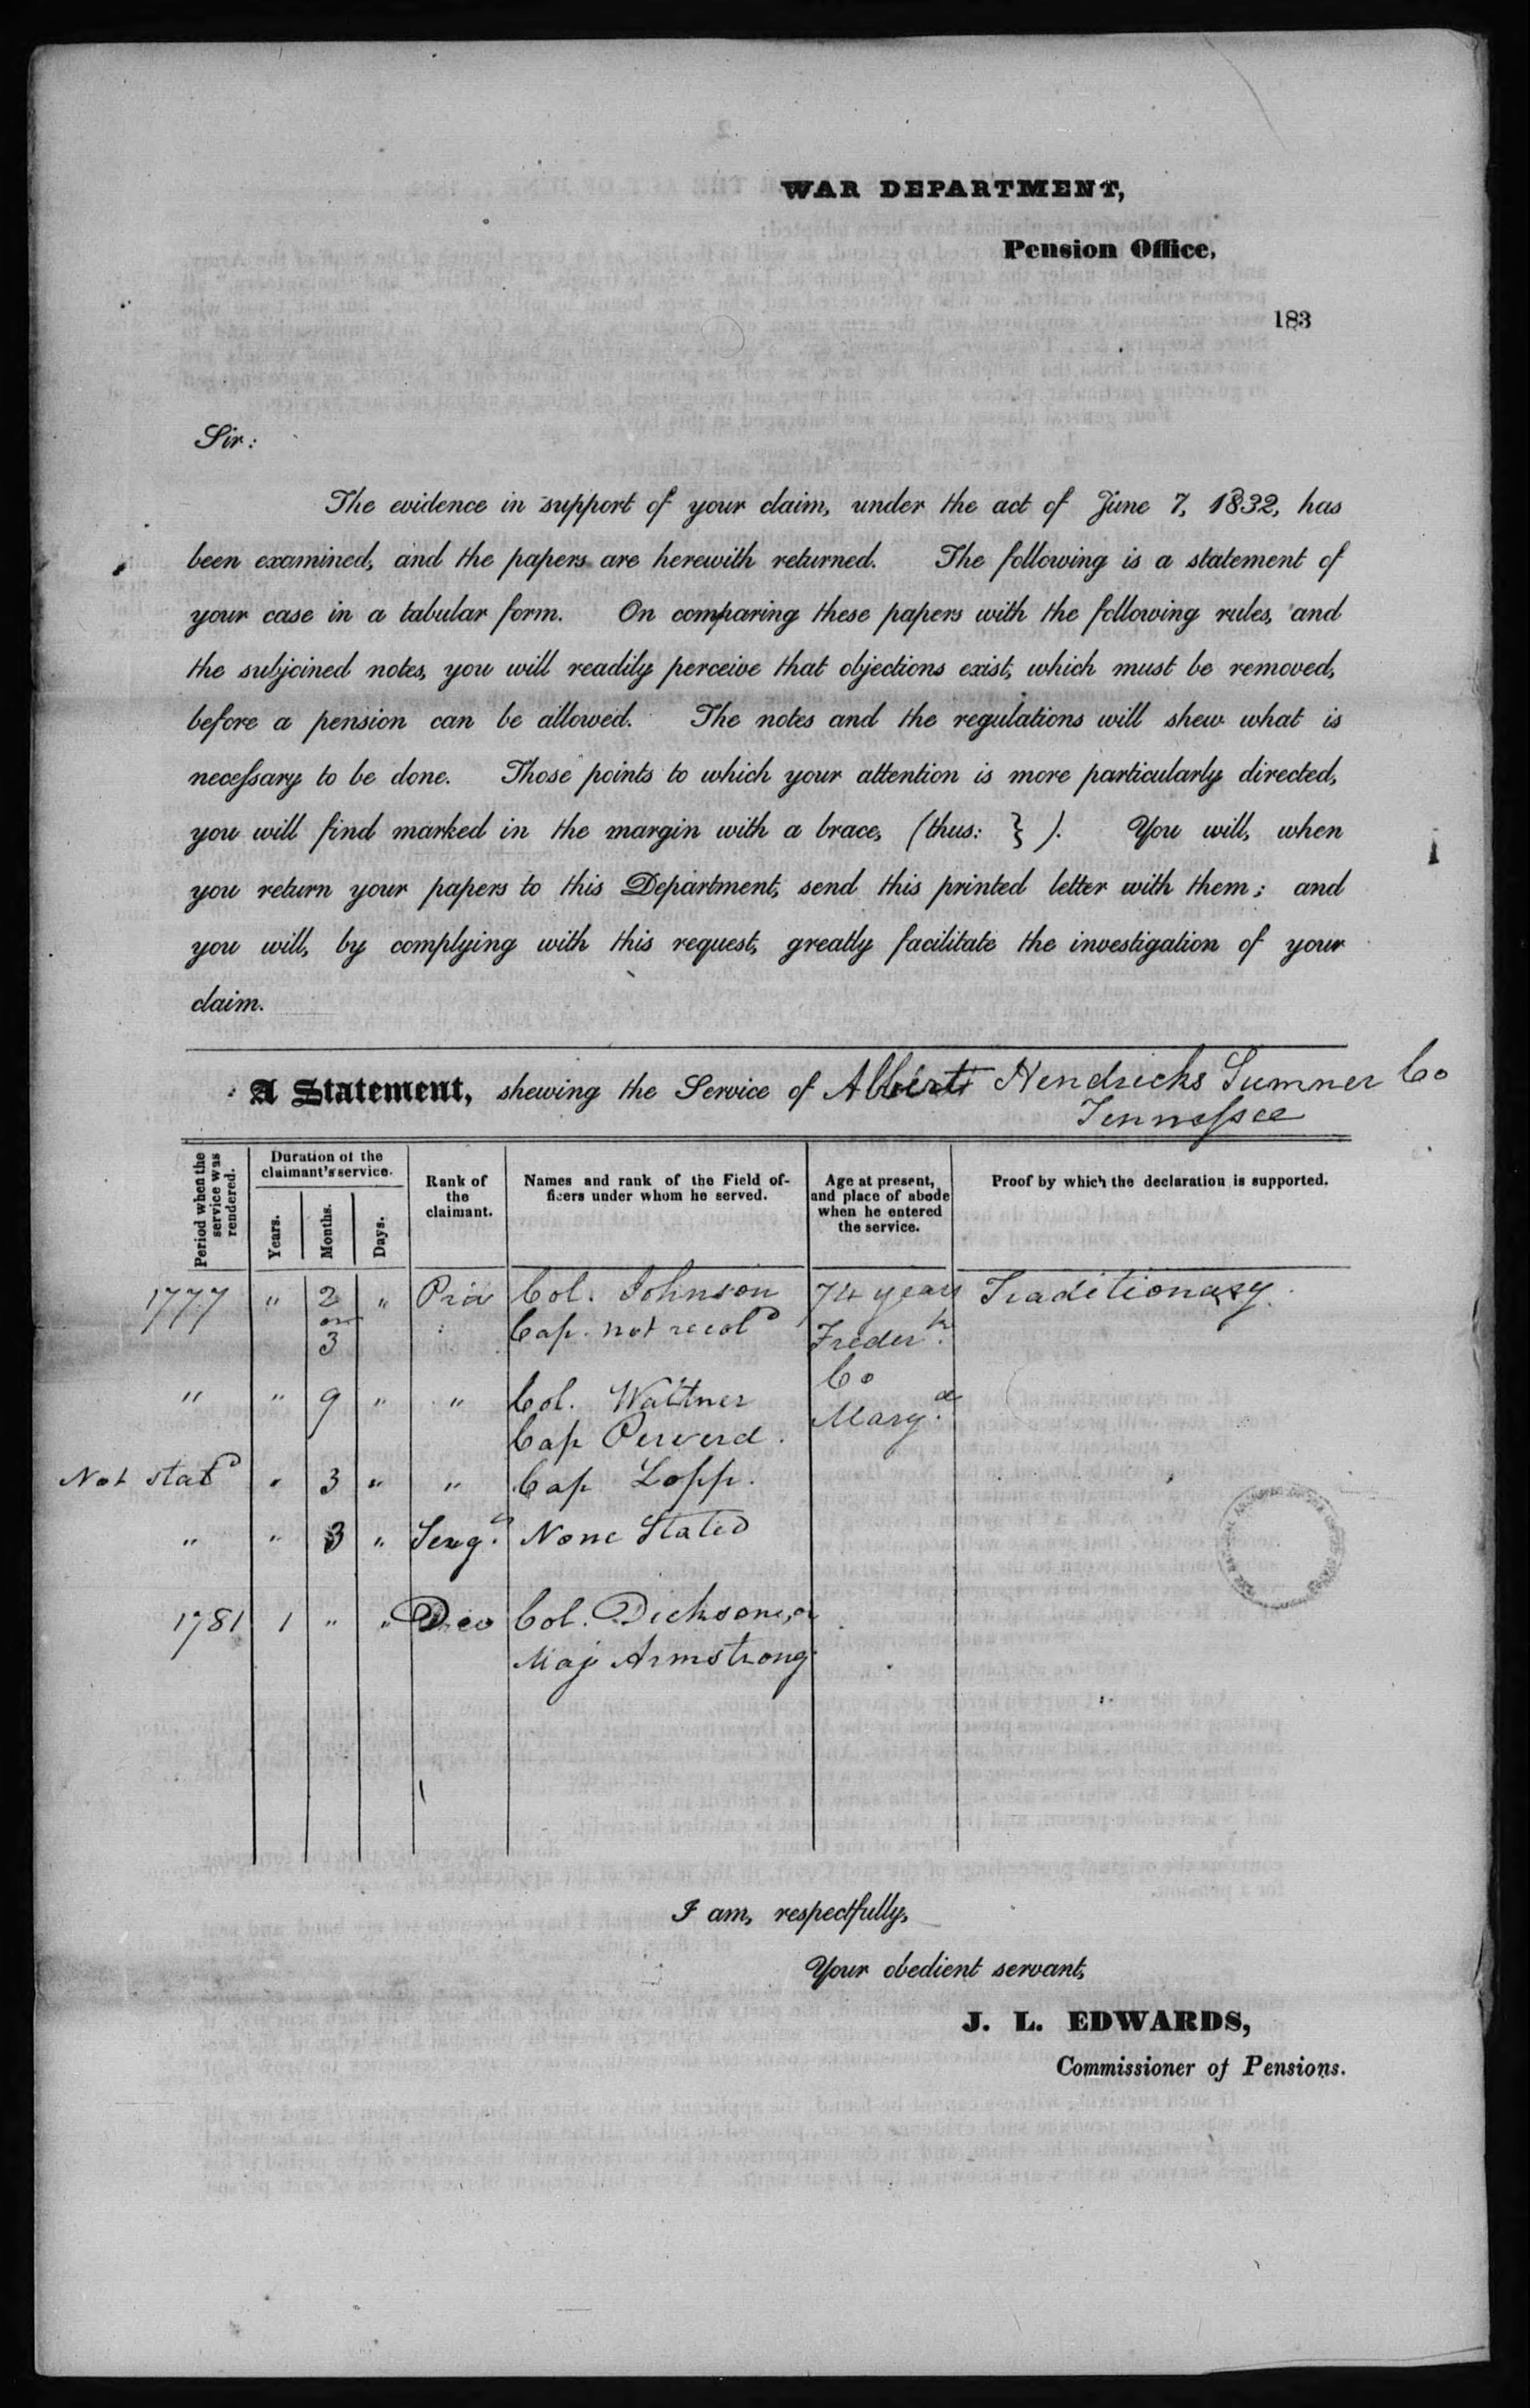War Department  
Pension Office
183
Sir:  The evidence in support of your claim under the act of June 7/ 1832, has been examined, and the papers are herewith returned.  The following is a statement of your case in a tabular form.  On comparing these papers with the following rules and the subjoined notes, you will readily perceive that objections exist, which must be removed before a pension can be allowed.  The notes and the regulations will shew what is necessary to be done.  These points to which your attention is more particularly directed you will find marked in the margin with a brace, (thus:  }).  You will when you return your papers to this Department, send this printed letter with them; and you will, by complying with this request, greatly facilitate the investigation of your claim.

[Table] 
A Statement, shewing the Service of Albert Hendricks Sumner Co. Tennessee

Period when the service was rendered|
Duration of the claimant' service
Years| Months| Days
Rank of the claimant|
Names and rank of the Field officers under who he served|
Age at present and place of abode when he entered the service|
Proof by which the declaration is supported|
1777 2 or 3 mos. Priv.
Col. Johnson Capt. not recol.
74 years Frederick Co. Maryland
Teaditionasy
1777 9 mos. Priv.
Col. Waltner, Cap. Perverd
[year] Not stated  3 mos. 
Cap. Lopp
[year] Not stated 3 mos Serg.
None stated
1781 1 mo.  [illegible]
Col. Dickson, Maj Armstrong

I am respectfully, Your obedient servant,
J. L. Edwards, Commissioner of Pensions
[illegible stamp]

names: Armstrong, Johnson, Waltner, Perverd, Dickson, Lopp, J L Edwards, Albert Hendricks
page: 10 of 76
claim: widow's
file: W. 83, Albert Hendricks, Continental Md. N.C.